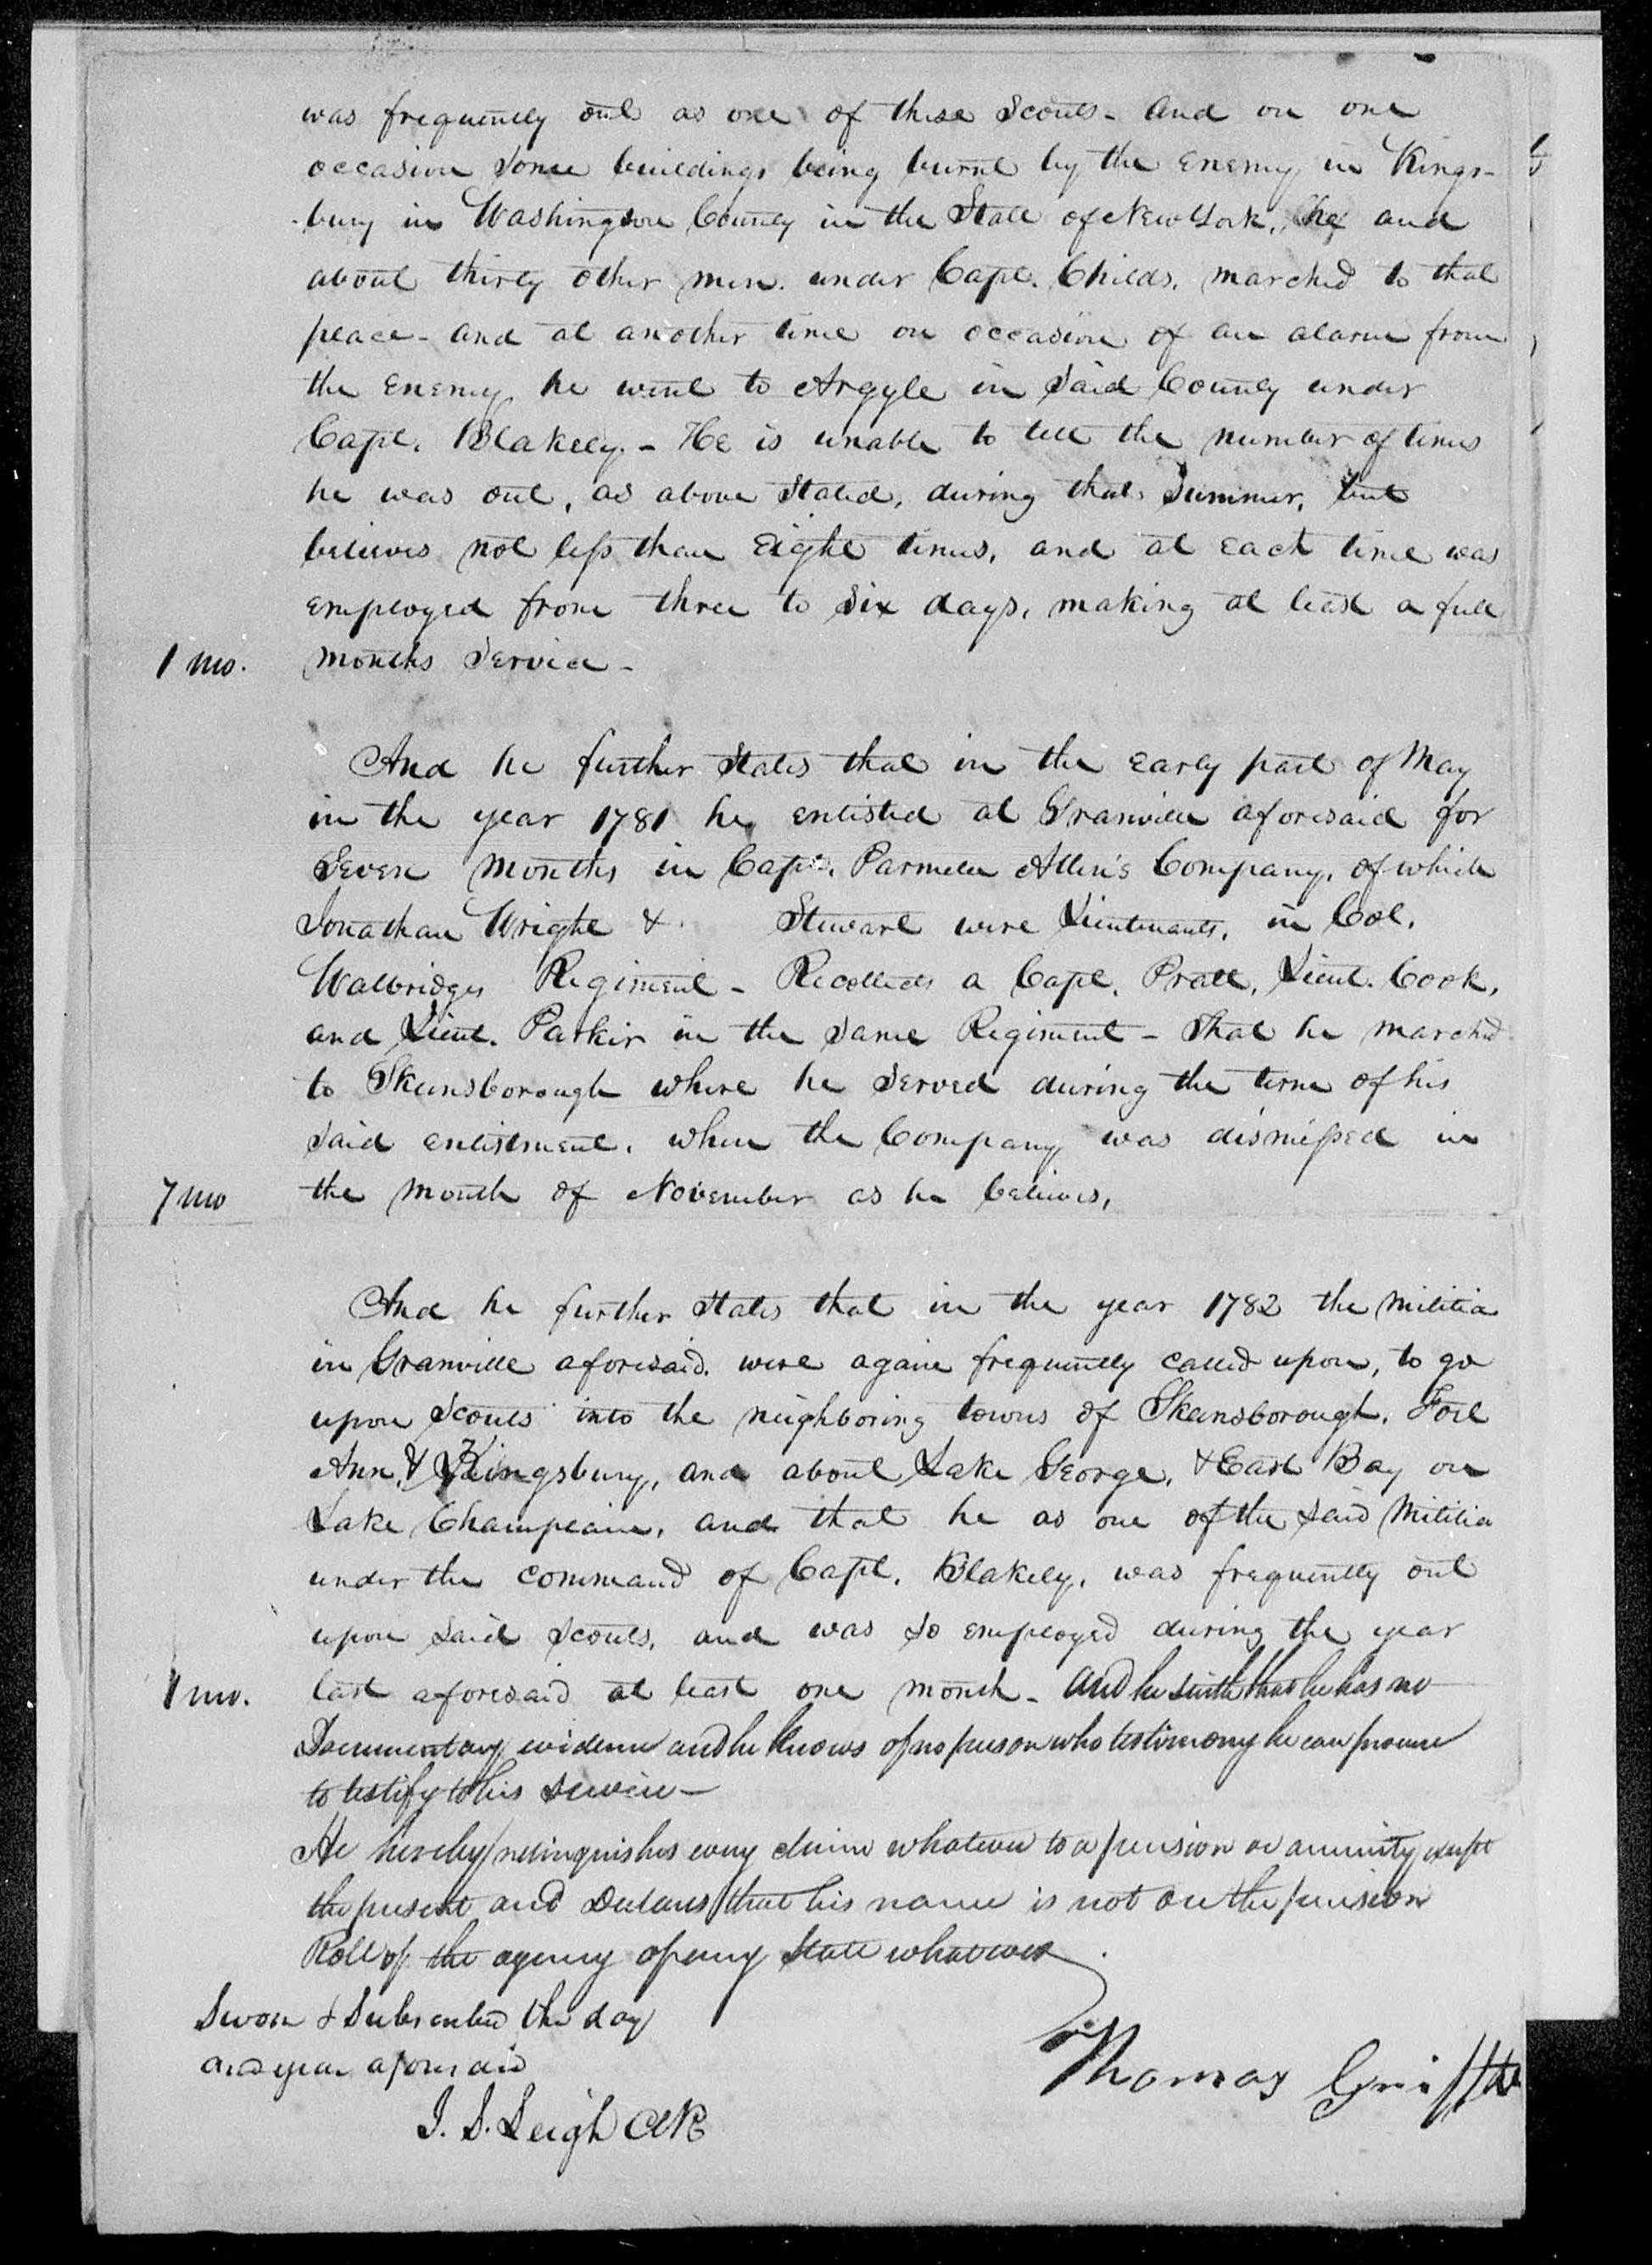was frequently out as one of these scouts-- And on one occasion some buildings being burnt by the enemy in Kingsbury in Washington County in the State of New York, he and about thirty other men under Capt Childs, marched to that place, and at another time on occasion of an alarm from the enemy he went to Argyle in said County under Capt. Blakely. He is unable to tell the number of times he was out, as above stated, during that summer, but believes not less than eight times, and at each time was employed from three to six days, making at least a full months service- 1 mo [in left margin]

And he further states that in the early part of May in the year 1781 he enlisted at Granville aforesaid for Seven months in Capt. Parmelee Allen's Company, of which Jonathan Wright & Stewart were Lieutenants, in Col. Walbridge's Regiment - Recollects a Capt. Pratt, Lieut Cook, and Lieut. Parker in the same Regiment. That he marched to Skeensborough where he served during the term of his said enlistment, when the company was dismissed in the month of November as he believes -7 mo. [in left margin]

And he further states that in the year 1782 the militia in Granville aforesaid were again frequently called upon, to go upon scouts into the neighboring towns of Skeensborough, Fort Ann & Kingsbury, and about Lake George, & East Bay on
Lake Champlain, and that he as one of the said Militia under the command of Capt. Blakely, was frequently out upon said Scouts, and was so employed during the year last aforesaid at least one month, and he saith that he has no
documentary evidence and he knows of no person who testimony he can procure to testify to his service- 1 mo [in left margin]

He hereby relinquishes every claim whatever to a pension or annuity except the present and Declares that his name is not on the pension Roll of the agency of any State whatever
Thomas Griffith [signature]

Sworn & Subscribed the day and year aforesaid
J.S. Leigh Clk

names: Jonathan Wright, Pratt, Blakely, J S Leigh, Childs, Parkir, Blakely, Stewart, Thomas Griffith, Cook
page: 7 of 14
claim: survivor's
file: S. 23663, Thomas Griffith, New York Vt.